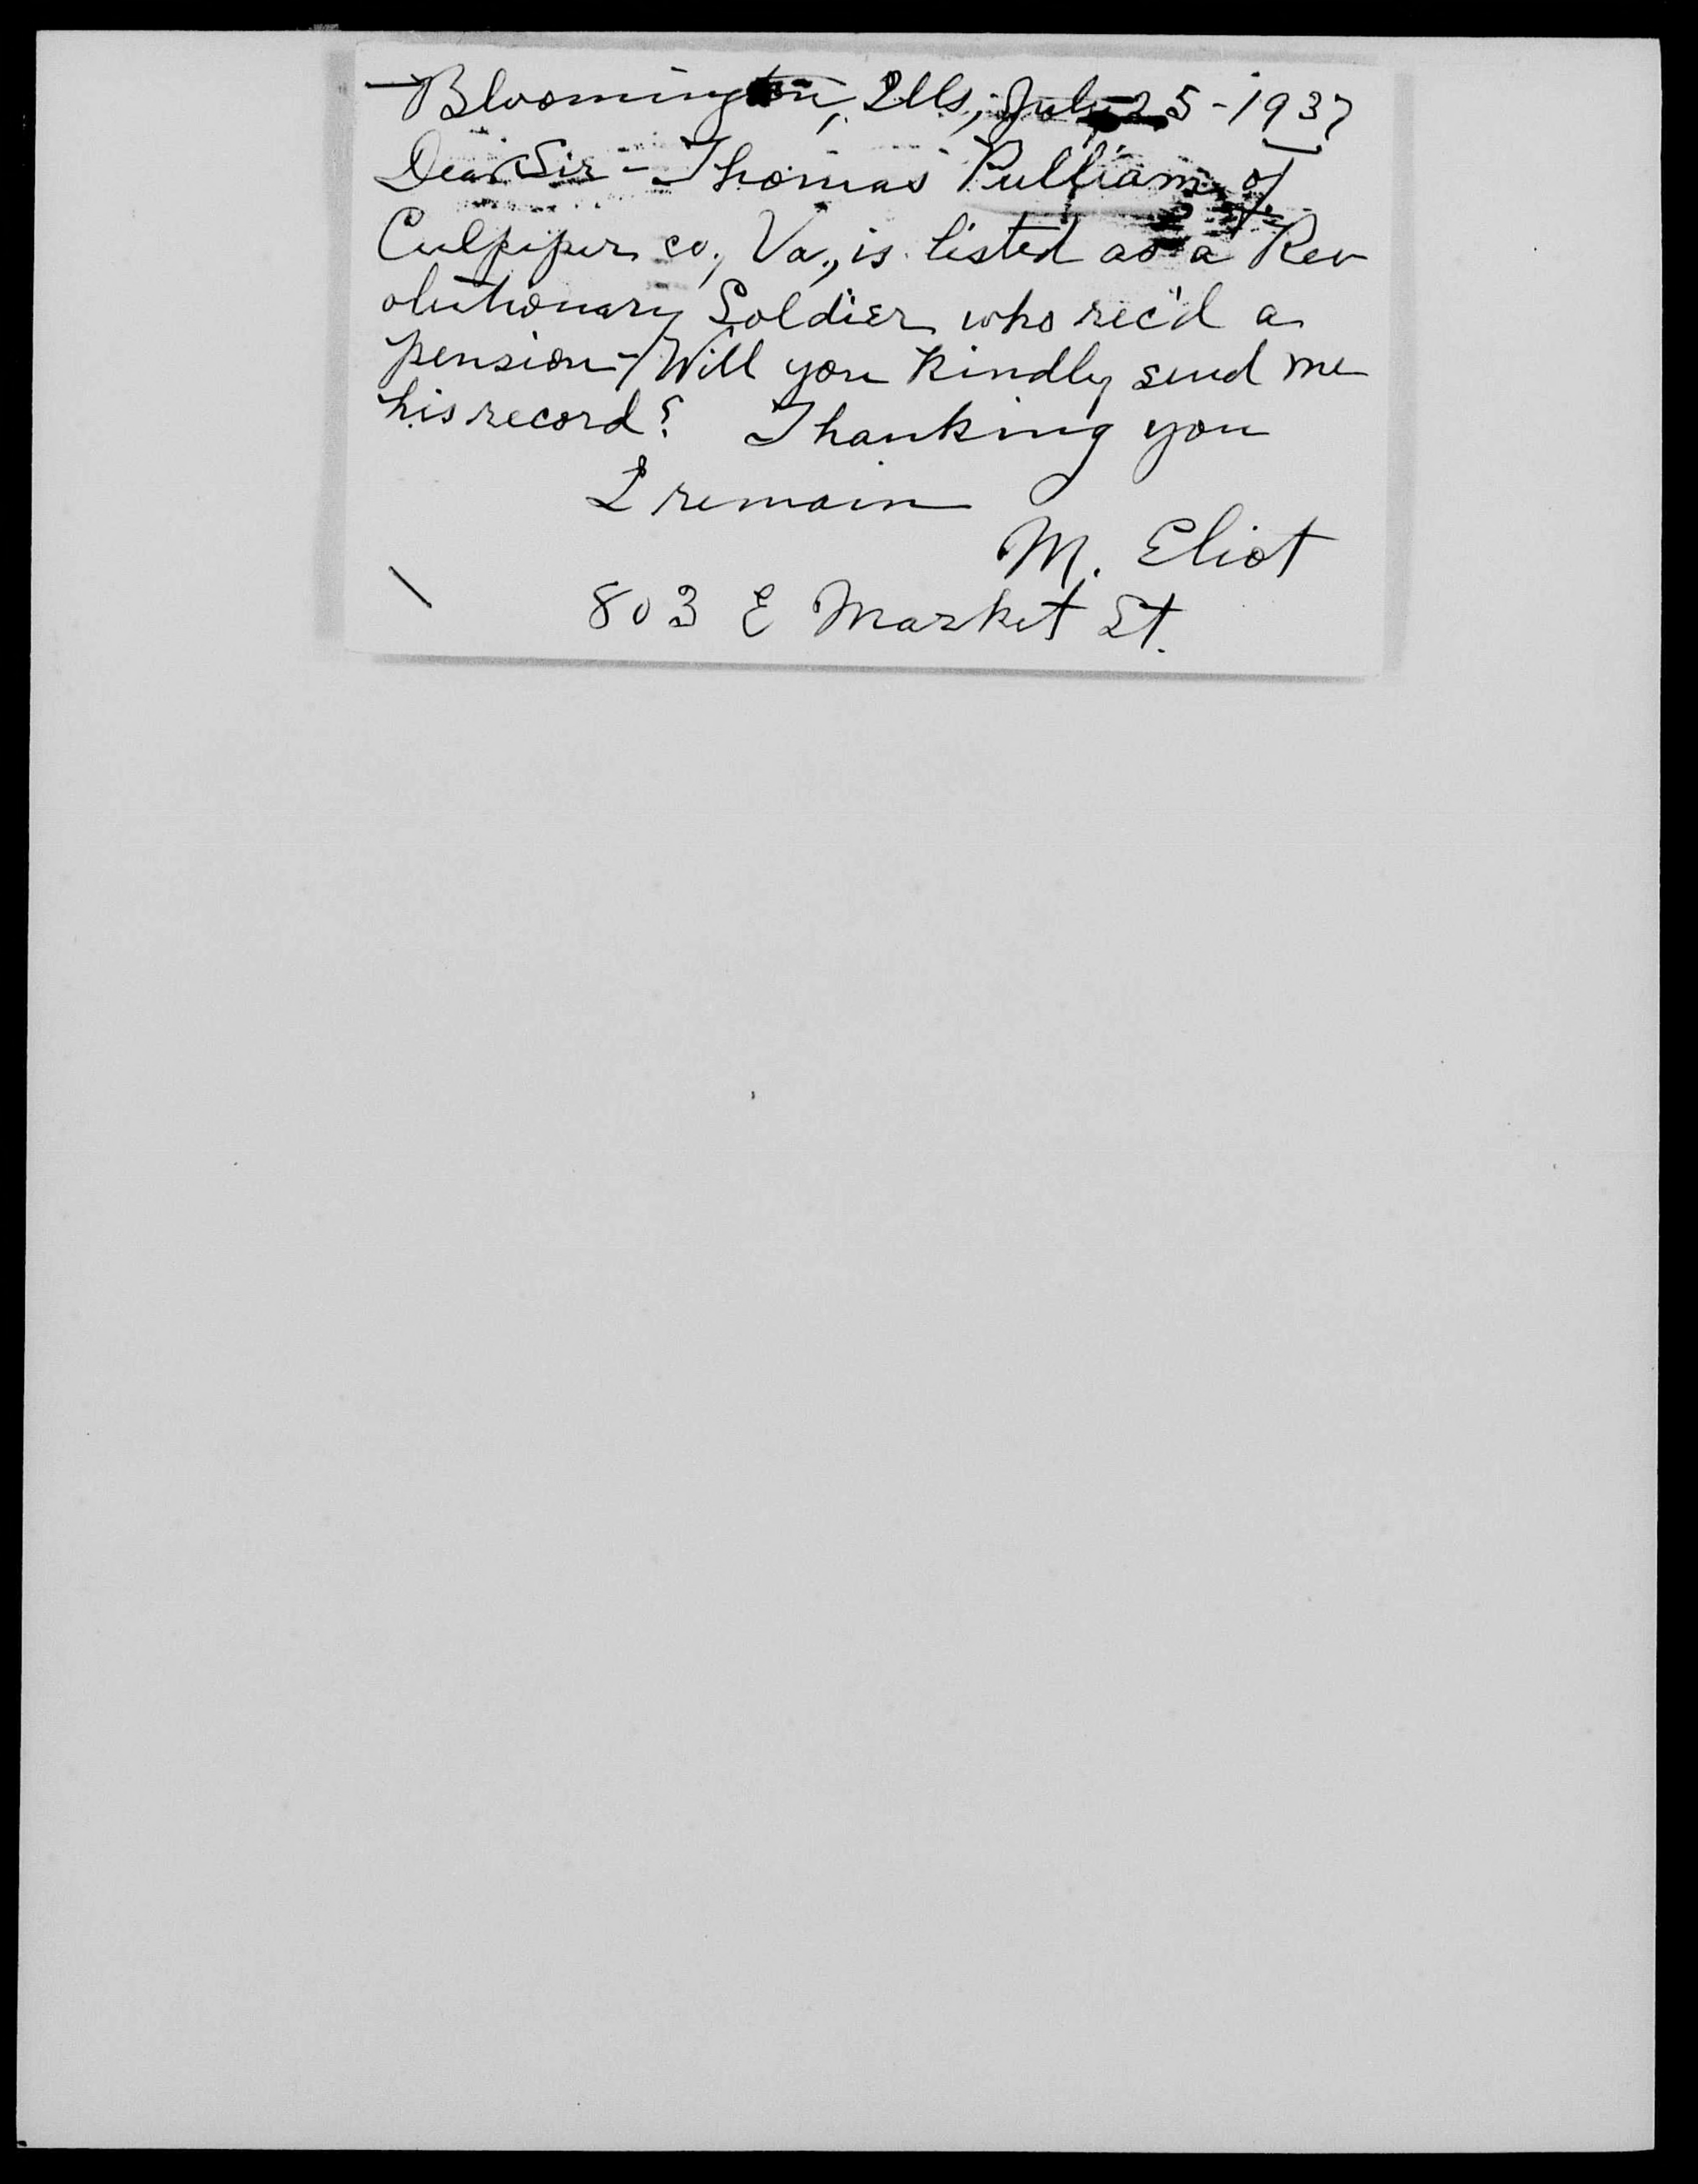Bloomington Ill, July 5-1937
Dear Sir Thomas Pulliam of
Culpeper Co. Va. is listed as a 
Revolutionary Soldier who rec'd a
pension - Will you kindly send me
his record? Thanking you
I remain
M Eliot
803 E Market St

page: 20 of 27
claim: survivor's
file: S. 5,955, for Thomas Pulliam, Virginia